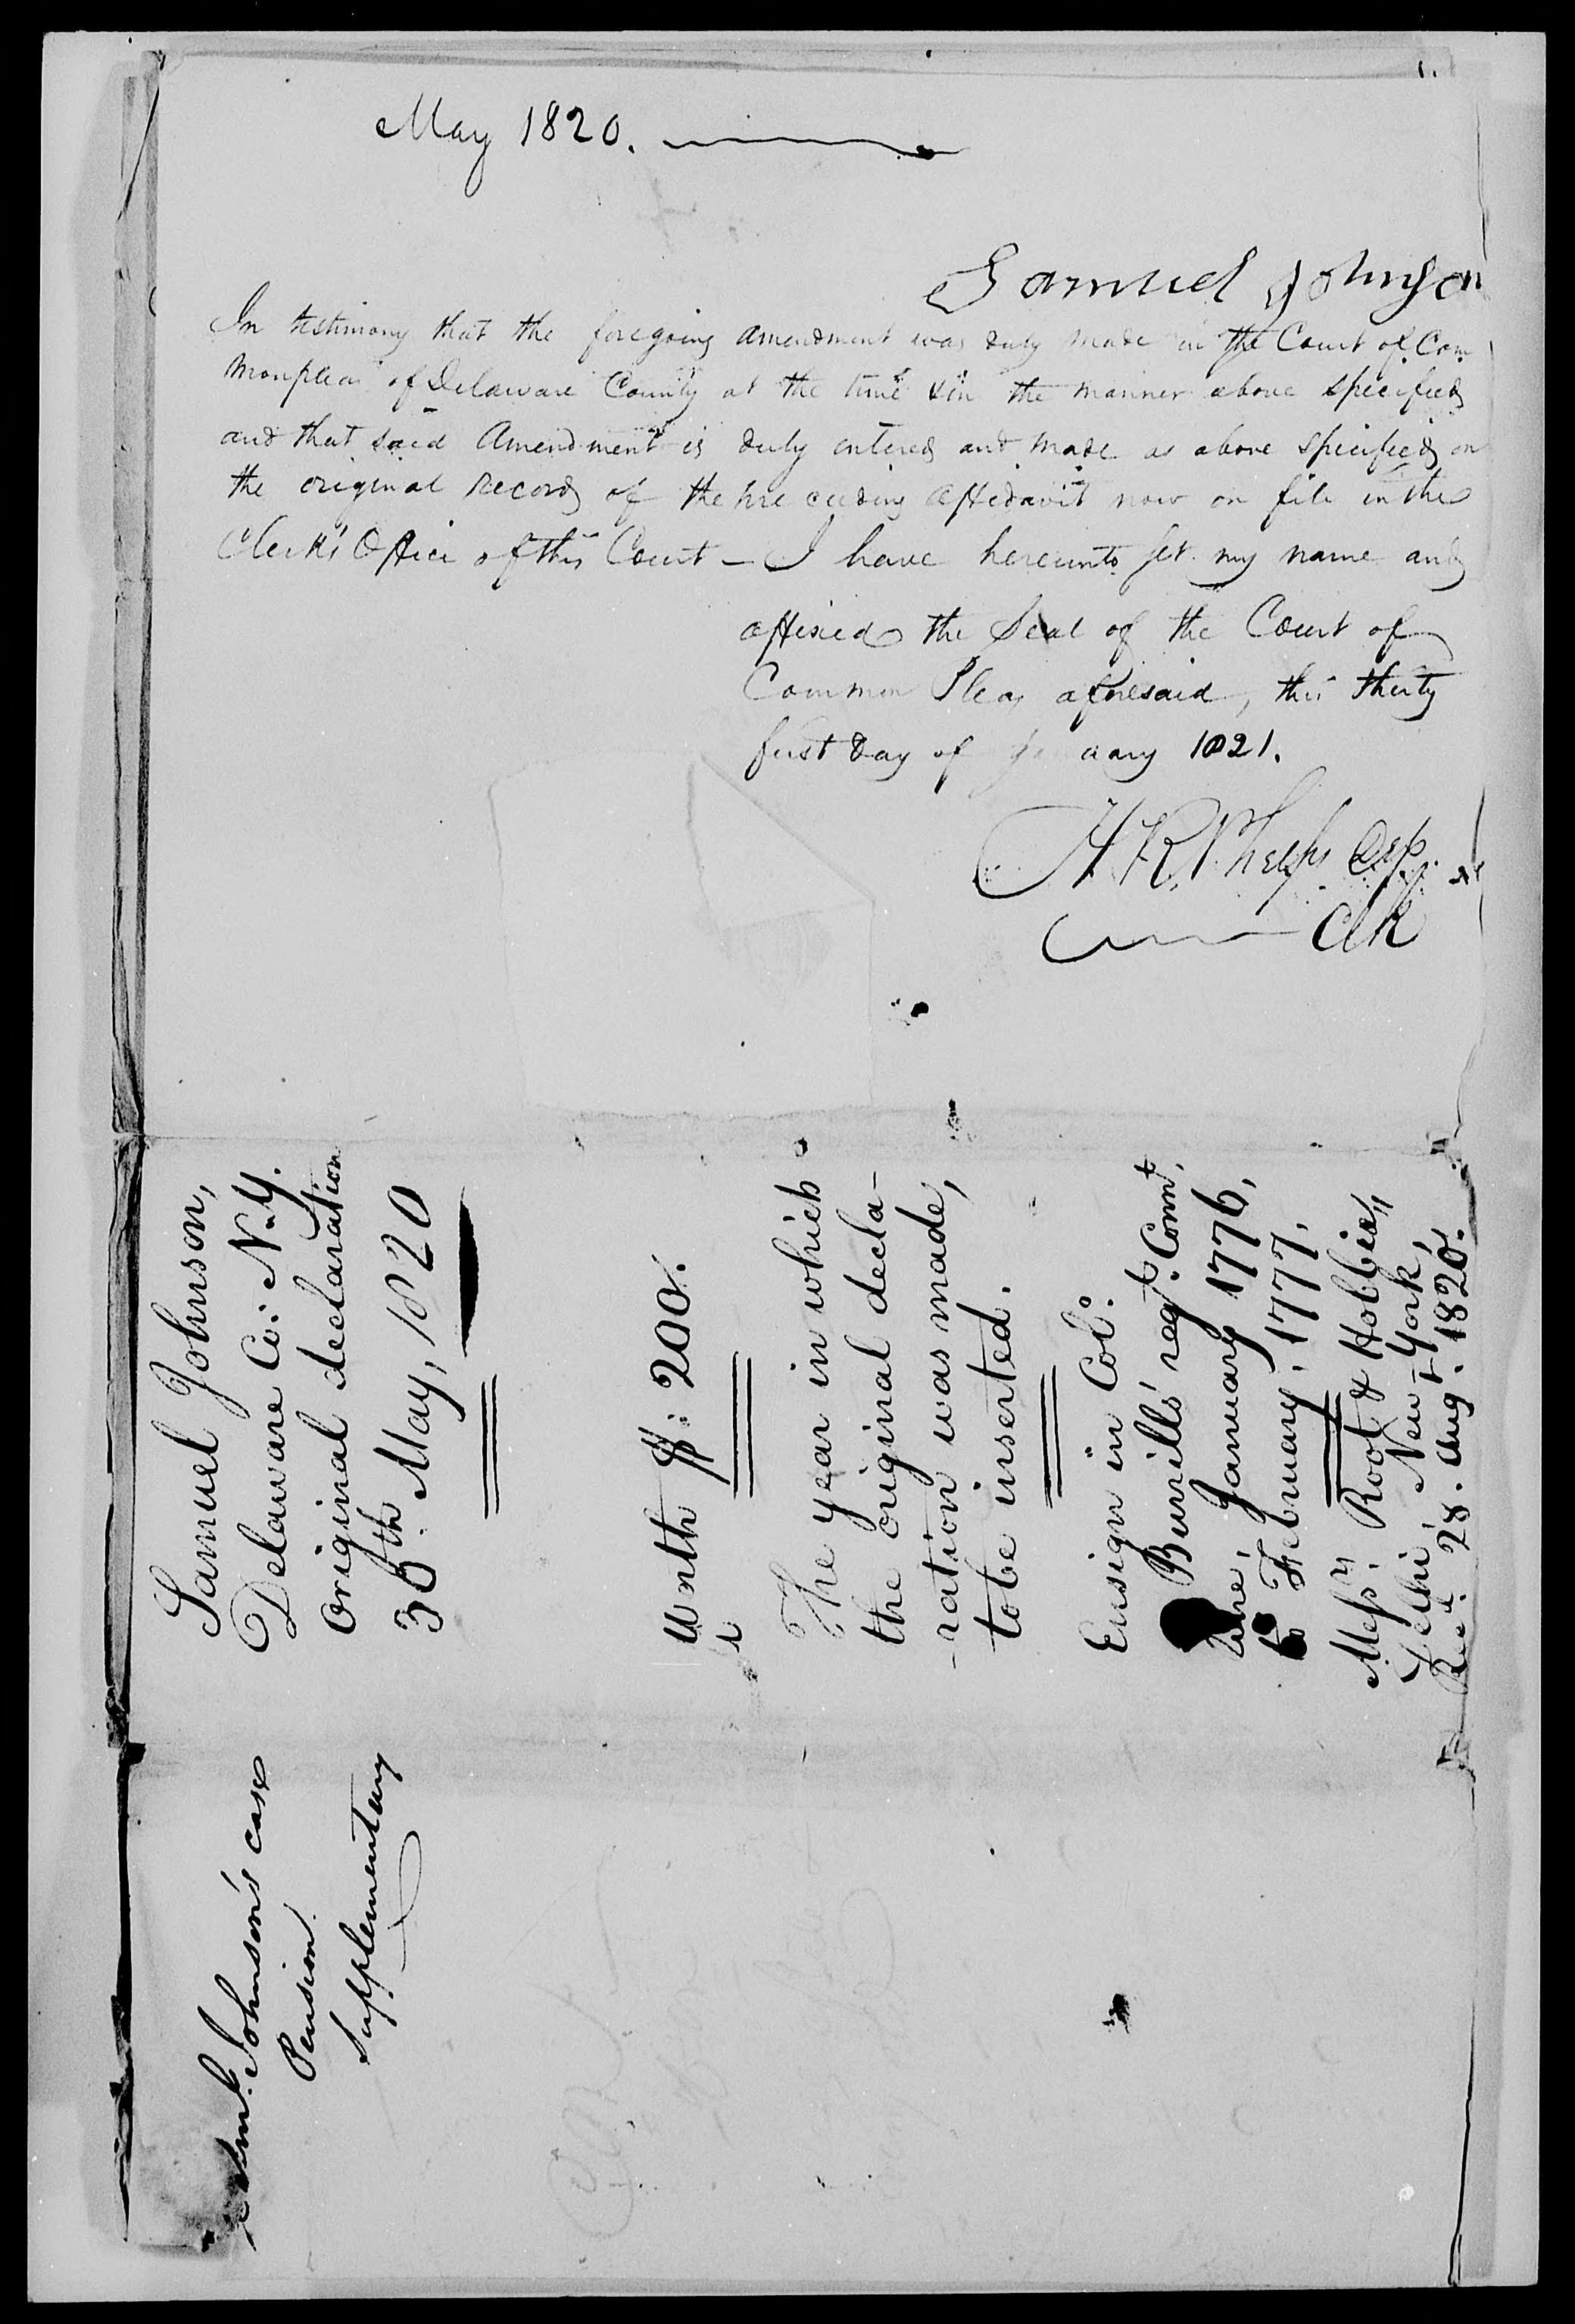May 1820 
Samuel Johnson 
In testimony that the foregoing amendment was duly made in the Court of Common pleas of Delaware County at the time & in the manner above specified and that said amendment is duly entered and made as above specified in the original record of the preceeding affidavit now on file in the Clerks Office of this Court - I have hereunto set my name and affixed the Seal of the Court of Common Pleas aforesaid, this thirty first day of January 1821 
H. R. Phelps Dep  Clk  
Sam’l Johnson’s case Pension Supplementary
Cont
Conn
Already filed & very old
Samuel Johnson 
Delaware Co. N. Y. 
Original declaration 30th May 1820
worth $200. 
The year in which the original declaration to be inserted.
Ensign in Col. Burrill’s regt Connt line January 1776 to February 1777
Mssr’s Root & Hobbie, Delhi, New York Rec’d 28 Augt 1820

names: [BLANK] Hobbie; Samuel Johnson; [BLANK] Root; H R Phelps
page: 13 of 43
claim: rejected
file: R. 5655, for Samuel Johnson, Connecticut